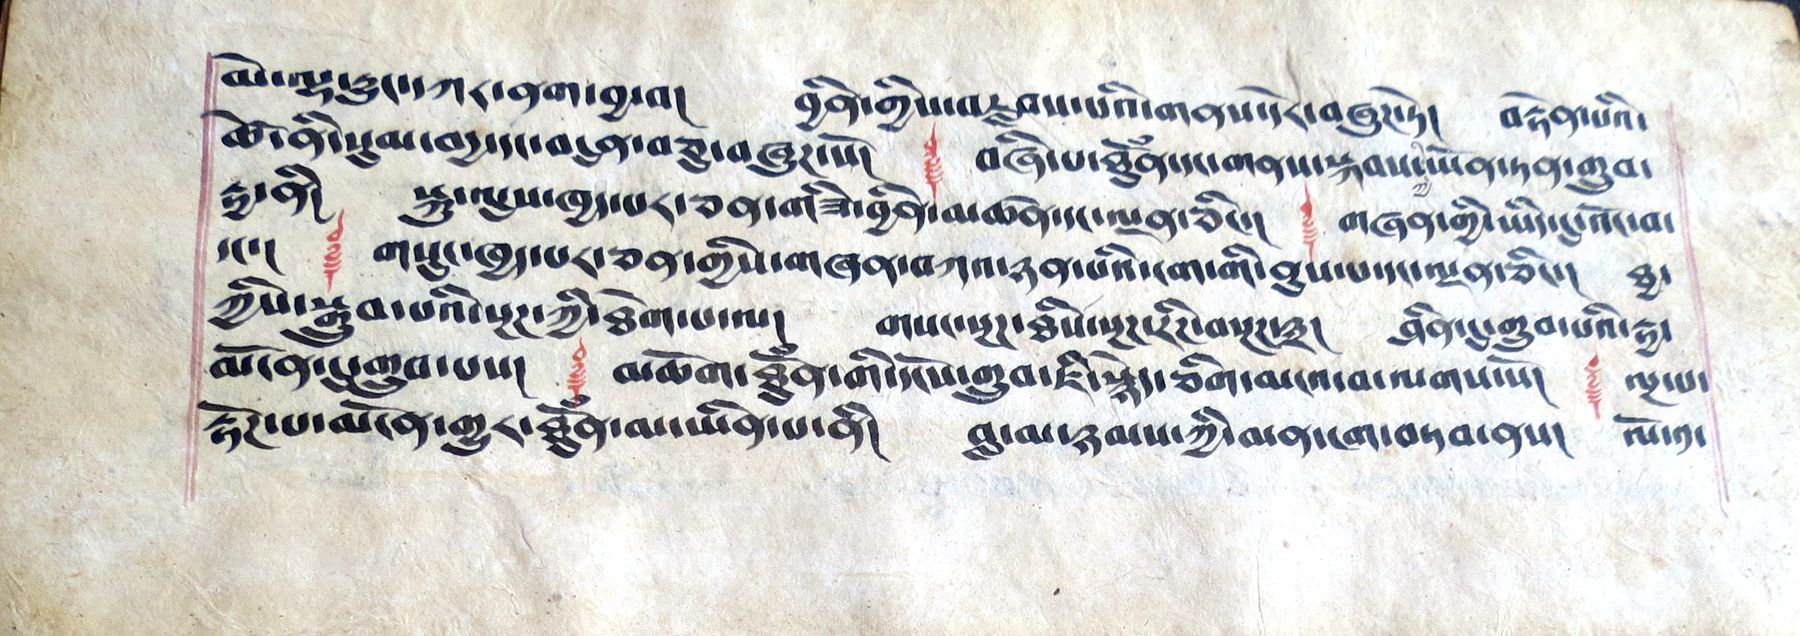མེ་རྒྱུང་དཀར་ནག་བྱ་བ། བྱིན་གྱིས་བརླབས་པའི་གནས་དེར་བཞུགས་ཏེ། རྟེན་པའི་
ཚེ་ནི་སུམ་བརྒྱ་དང་བདུན་ཅུ་བཞུགས་སོ། ། བཞི་པ་ཐུན་མོང་དང་གནས་སྐབས་ཀྱི་ཡོན་ཏན་གྲུབ་
རྟགས་ནི། སྐུ་ལུས་ཁྱད་པར་ཅན་གཟི་བྱིན་མཚན་དང་ལྡན་ཞིང་། གཞན་གྱིས་ཡིད་དུ་འོང་པ་
དང་། གསུང་ཁྱད་པར་ཅན་གྱིས་གཞན་བཀའ་ཉན་པའི་ངག་གི་ནུས་པ་དང་ལྡན་ཞིང་། ཐུགས་
ཀྱིས་བསྒྲུབས་པའི་སྔགས་ཀྱི་ཐེག་པ་ལ། གསང་སྔགས་ཐིས་སྔགས་རིགས་སྔགས་གསུམ། ཤིན་ཏུ་འགྲུབ་པའི་རྟགས་
མངོན་དུ་གྲུབ་པས། མཆོག་ཐུན་མོང་གི་དངོས་གྲུབ་ཅི་སྙེད་ཅིག་མངའ་བ་ལགས་སོ། ། ལྔ་པ་
རྟོགས་པ་མངོན་གྱུར་ཐུན་མོང་མ་ཡིན་པ་ནི། བླ་མས་ཉམས་ཀྱི་མན་ངག་བཏབ་ནས། ལོ་གཅིག་